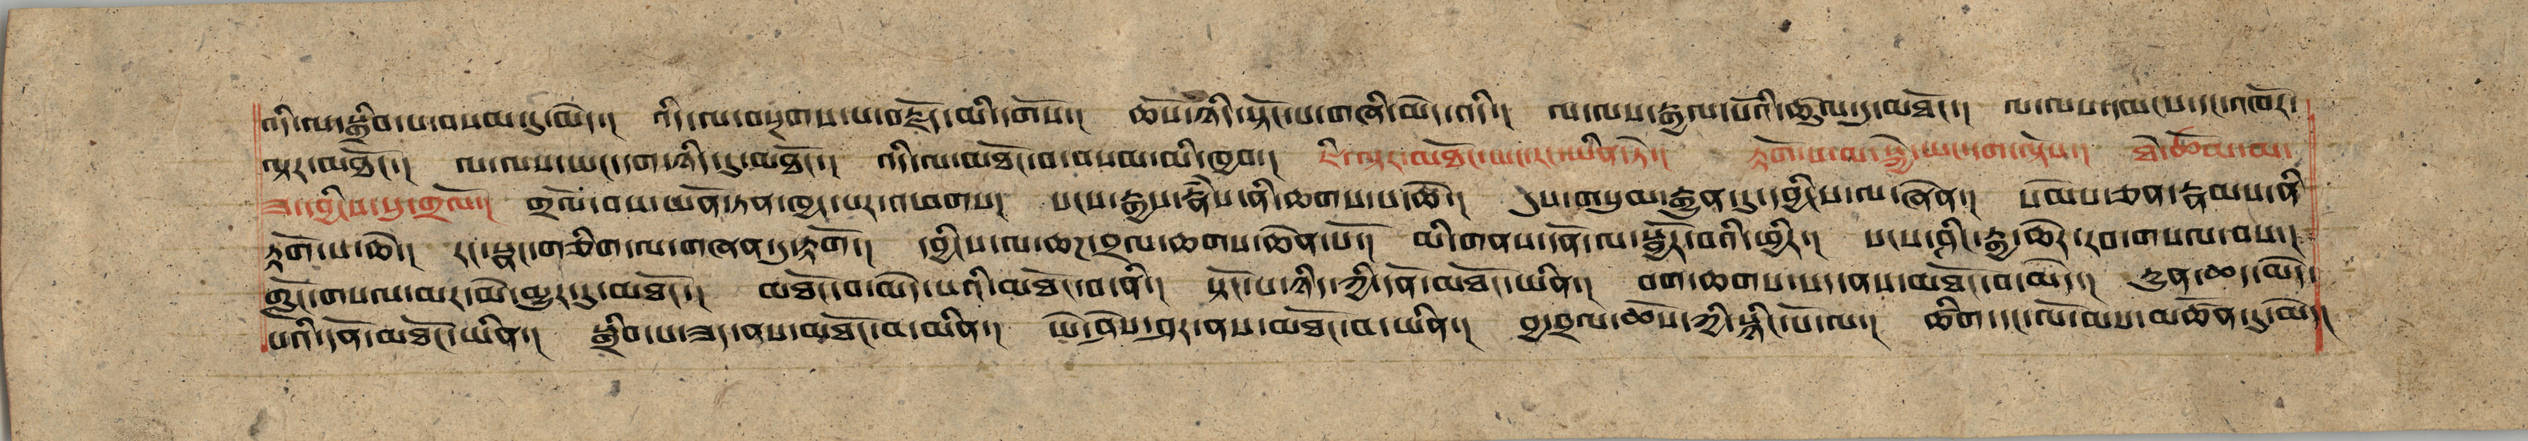འདི་ལ་སྒྲིབ་པ་བསམ་དུ་མེད་། འདི་ལ་བསྔགས་པ་བརྗོད་མི་དགོས་། ཆོས་ཉིད་སྟོང་པ་གཞི་མེད་འདི་། ལ་ལས་རྒྱལ་པོའི་ཚུལ་དུ་མཐོང་། ལ་ལས་དམངས་དང་འཁོར་
ལྟར་མཐོང་། ལ་ལས་ཡང་དག་ཉིད་དུ་མཐོང་། འདི་ལ་མཐོང་བ་བསམ་མི་ཁྱབ་། ཇི་ལྟར་མཐོང་ཡང་རང་ཡིན་ཏེ་། རྟོག་པ་མ་སྐྱེ་ཡང་དག་ལྟོས་། ཐེ་ཚོམ་མ་
ཟ་དབྱིངས་སུ་གྲོལ་། གྲོལ་བས་ཡོན་ཏན་ཁྱད་པར་འཕགས་། སངས་རྒྱས་རྣཾས་ནི་ཆགས་པ་ཆེ་། དུས་གསུ་མ་རྒྱུན་དུ་དབྱིངས་ལ་ཞེན་། སེམས་ཅན་རྣམས་ནི་
རྟོག་པ་ཆེ་། རང་སྣང་གཅིག་ལ་གཞན་དུ་རྟགོ་། དབྱིངས་ལ་ཆཌ་བྲལ་ཆགས་ཆེན་པོ་། མི་གནས་དོན་ལ་སྦྱོར་བའི་ཕྱིར་། སངས་ཤིང་རྒྱ་ཆེར་རབ་གསལ་བས་།
གློང་གསལ་མར་མེ་མྱུར་དུ་མཐོང་། མཐོང་བ་མེད་པའི་མཐོང་བ་ནི་། སྟོང་པ་ཉིད་ཀྱི་དོན་མཐོང་ཡིན་། བག་ཆགས་སད་ནས་མཐོང་བ་མེད་། དྱུན་ཆད་མེད་
པའི་དོན་མཐོང་ཡིན་། སྒྲིབ་པ་ཟད་ནས་མཐོང་བ་མིན་། ཡེ་ཤེས་ཤར་ནས་མཐོང་བ་ཡིན་། བྱ་བྲལ་ཆོས་ཀྱི་སྙིང་པོ་ལ་། ཚིག་དང་ལོ་མས་མཚོན་དུ་མེད་